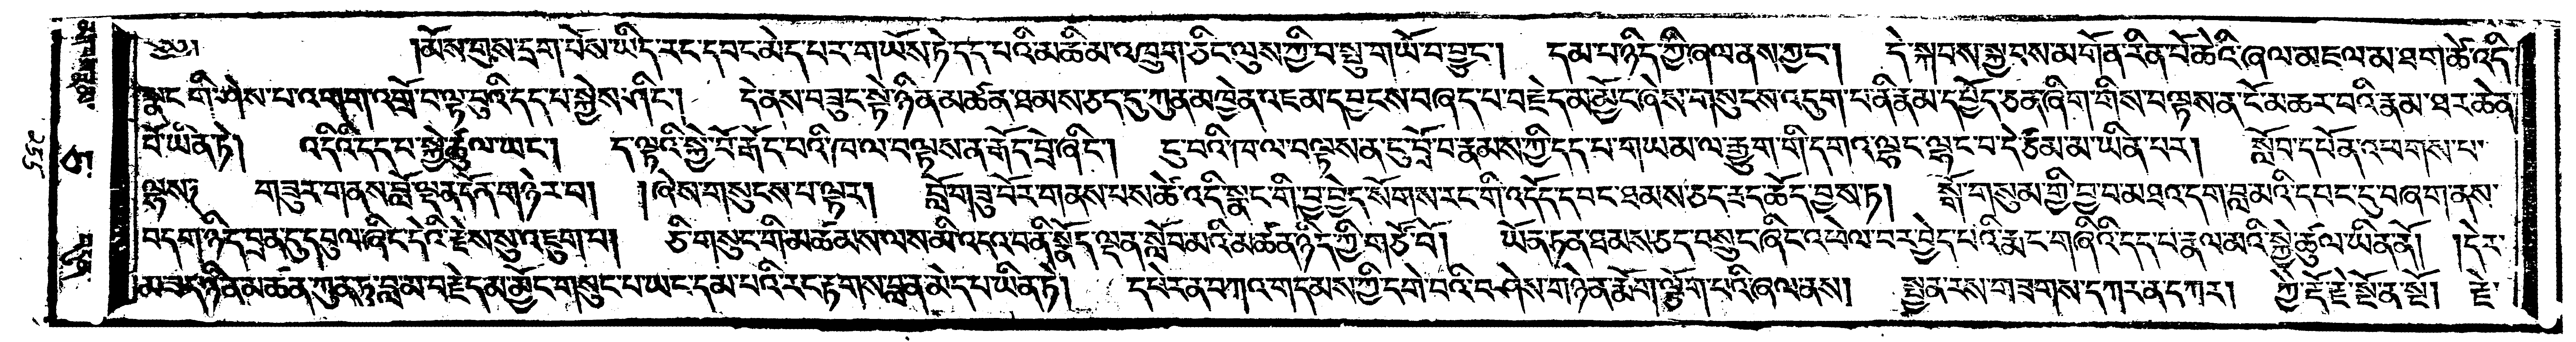༄༅། །མོས་གུས་དྲག་པོས་ཡིད་རང་དབང་མེད་པར་གཡོས་ཏེ་དད་པའི་མཆིམ་འཁྲུག་ཅིང་ལུས་ཀྱི་བ་སྦུ་གཡོ་བ་བྱུང་། དམ་པ་ཉིད་ཀྱི་ཞལ་ནས་ཀྱང་། དེ་སྐབས་སྐྱབས་མགོན་རིན་པོ་ཆེའི་ཞལ་མཇལ་མ་ཐག་ཚེ་འདི་
སྣང་གི་ཤེས་པ་འགག་འགྲོ་བ་ལྟ་བུའི་དད་པ་སྐྱེས་ཤིང་། དེ་ནས་བཟུང་སྟེ་ཉིན་མཚན་ཐམས་ཅད་དུ་ཀུན་མཁྱེན་འཇམ་དབྱངས་བཞད་པ་བརྗེད་མ་མྱོང་ཞེས་གསུངས་འདུག་པ་ནི་རྣམ་དཔྱོད་ཅན་ཞིག་གིས་བལྟས་ན་ངོ་མཐར་བའི་རྣམ་ཐར་ཆེན་
པོ་ཡིན་ཏེ། འདིའི་དད་པ་སྐྱེ་ཚུལ་ཡང་། ད་ལྟའི་སྐྱེ་བོ་རྒོད་པའི་ཁ་ལ་བལྟས་ན་རྒོད་བྲེ་ཞིང་། ངུ་བའི་ཁ་ལ་བལྟས་ན་ངུ་བྲོ་བ་རྣམས་ཀྱི་དད་པ་གཡམ་ལ་རྒྱུག་གི་དགའ་ལྷང་ལྷང་བ་དེ་ཙམ་མ་ཡིན་པར། སློབ་དཔོན་འཕགས་པ་
ལྷས༑ གཟུར་གནས་བློ་ལྡན་དོན་གཉེར་བ། །ཞེས་གསུངས་པ་ལྟར། བློ་གཟུ་བོར་གནས་པས་ཚེ་འདི་སྣང་གི་བྱ་བྱེད་སོགས་རང་གི་འདོད་དབང་ཐམས་ཅད་རྦད་ཆོད་བྱས་ཏེ། སྒོ་གསུམ་གྱི་བྱ་བ་མཐའ་དག་བླ་མའི་དབང་དུ་བཞག་ནས་
བདག་ཉིད་བྲན་དུ་དབུལ་ཞིང་དེའི་རྗེས་སུ་འཇུག་པ། ཅི་གསུང་གི་མཚམས་ལས་མི་འདའ་བ་ནི་སྣོད་ལྡན་སློབ་མའི་མཚན་ཉིད་ཀྱི་གཙོ་བོ། ཡོན་ཏན་ཐམས་ཅད་བསྲུང་ཞིང་འཕེལ་བར་བྱེད་པའི་རྨང་གཞིའི་དད་པ་རྣལ་མའི་སྐྱེ་ཚུལ་ཡིན་ནོ། །དེར་
མ་ཟད་ཉིན་མཚན་ཀུན་ཏུ་བླ་མ་བརྗེད་མ་མྱོང་གསུང་པ་ཡང་དམ་པའི་རང་རྟགས་བླ་ན་མེད་པ་ཡིན་ཏེ། དཔེར་ན་བཀའ་གདམས་ཀྱི་དགེ་བའི་བཤེས་གཉེན་རྨོག་ལྕོག་པའི་ཞལ་ནས། སྤྱན་རས་གཟིགས་དཀར་ན་དཀར། ཀྱཻ་རྡོ་རྗེ་སྔོན་སྔོ། རྗེ་